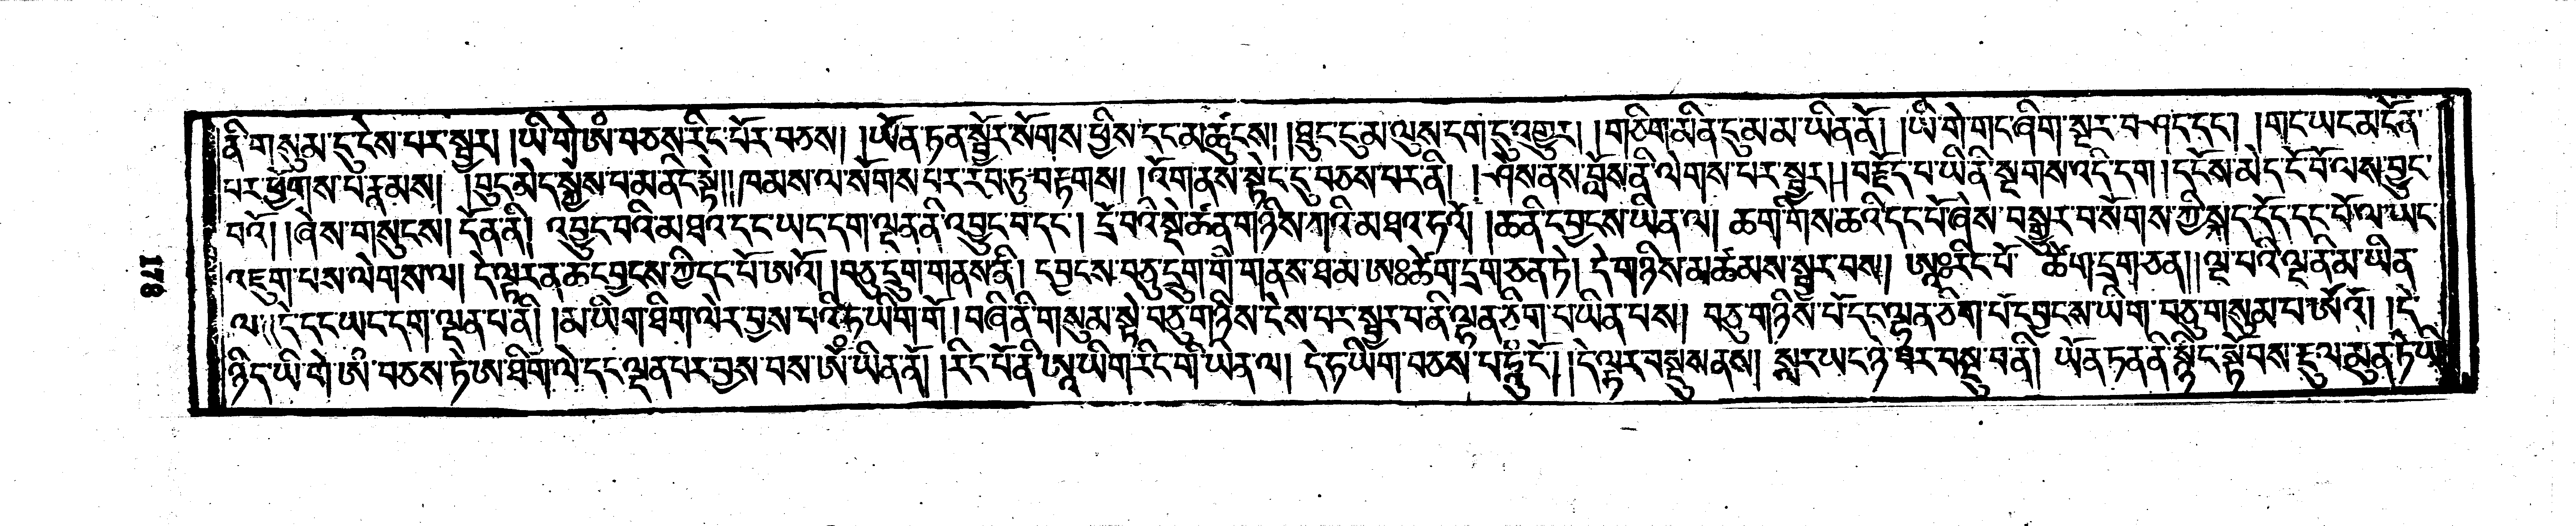ནི་གསུམ་དུ་ངེས་པར་སྦྱར། །ཡི་གེ་ཨཾ་བཅས་རིང་པོར་བཅས། །ཡོན་ཏན་སྦྱོར་སོགས་ཕྱིས་དང་མཚུངས། །ཐུང་དུ་མ་ལུས་དག་དུ་འགྱུར། །གཅིག་མིན་དུ་མ་མ་ཡིན་ནོ། །ཡི་གེ་གང་ཞིག་སྔར་བཤད་དང་། །གང་ཡང་མངོན་
པར་ཕྱོགས་པ་རྣམས། །བུད་མེད་སྐྱེས་པ་མ་ནིང་སྟེ། །ཁམས་ལ་སོགས་པར་རབ་ཏུ་བརྟགས། །འོག་ནས་སྟེང་དུ་བཅས་པར་ནི། །ཤེས་ནས་བློས་ནི་ལེགས་པར་སྦྱར། །བརྗོད་པ་ཡི་ནི་སྔགས་འདི་དག །དངོས་མེད་ངོ་བོ་ལས་བྱུང་
བའོ། །ཞེས་གསུངས། དོན་ནི། འབྱུང་བའི་མཐའ་དང་ཡང་དག་ལྡན་ནི་འབྱུང་བ་དང་། དྲོ་བའི་སྡེ་ཚན་གཉིས་ཀའི་མཐའ་ཧའོ། །ཆ་ནི་དབྱངས་ཡིན་ལ། ཆག་གིས་ཆའི་དང་པོ་ཞེས་བསྒྱུར་བ་སོགས་ཀྱི་སྐད་དོད་དང་པོ་ལ་ཡང་
འཇུག་པས་ལེགས་ལ། དེ་ལྟར་ན་ཆ་དབྱངས་ཀྱི་དང་པོ་O། །བཅུ་དྲུག་གནས་ནི། དབྱངས་བཅུ་དྲུག་གི་གནས་ཐ་མ་ཨཿ ཚེག་དྲག་ཅན་ཏེ། དེ་གཉིས་མཚམས་སྦྱར་བས། ཨཱཿ རིང་པོ་ཚིག་དྲག་ཅན། །ལྔ་པའི་ལྔ་ནི་མ་ཡིན་
ལ། །དེ་དང་ཡང་དག་ལྡན་པ་ནི། །མ་ཡིག་ཐིག་ལེར་བྱས་པའི་ཧ་ཡིག་གོ །བཞི་ནི་གསུམ་སྟེ་བཅུ་གཉིས་ངེས་པར་སྦྱར་བ་ནི་ལྷན་ཅིག་པ་ཡིན་པས། བཅུ་གཉིས་པོ་དང་ལྷན་ཅིག་པོ་དབྱངས་ཡིག་བཅུ་གསུམ་པ་ཨོའོ། །དེ་
ཉིད་ཡི་གེ་ཨཾ་བཅས་ཏེ་ཨ་ཐིག་ལེ་དང་ལྡན་པར་བྱས་པས་ཨོཾ་ཡིན་ནོ། །རིང་པོ་ནི་ཨཱ་ཡིག་རིང་པོ་ཡིན་ལ། དེ་ཧ་ཡིག་བཅས་པ་ཧཱུཾ་ངོ། །དེ་ལྟར་བསྡུས་ནས། སླར་ཡང་ཉེ་བར་བསྡུ་བ་ནི། ཡོན་ཏན་ནི་སྙིང་སྟོབས་རྡུལ་མུན་ཏེ་ཡི་